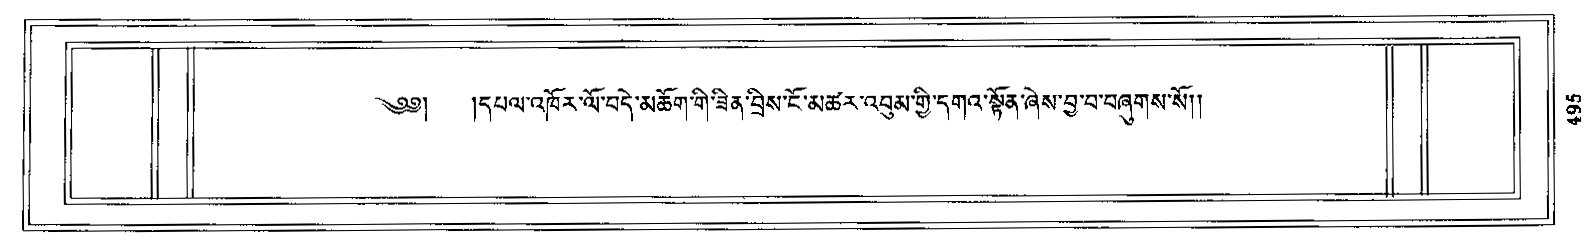༄༅། །དཔལ་འཁོར་ལོ་བདེ་མཆོག་གི་ཟིན་བྲིས་ངོ་མཚར་འབུམ་གྱི་དགའ་སྟོན་ཞེས་བྱ་བ་བཞུགས་སོ།།
༈